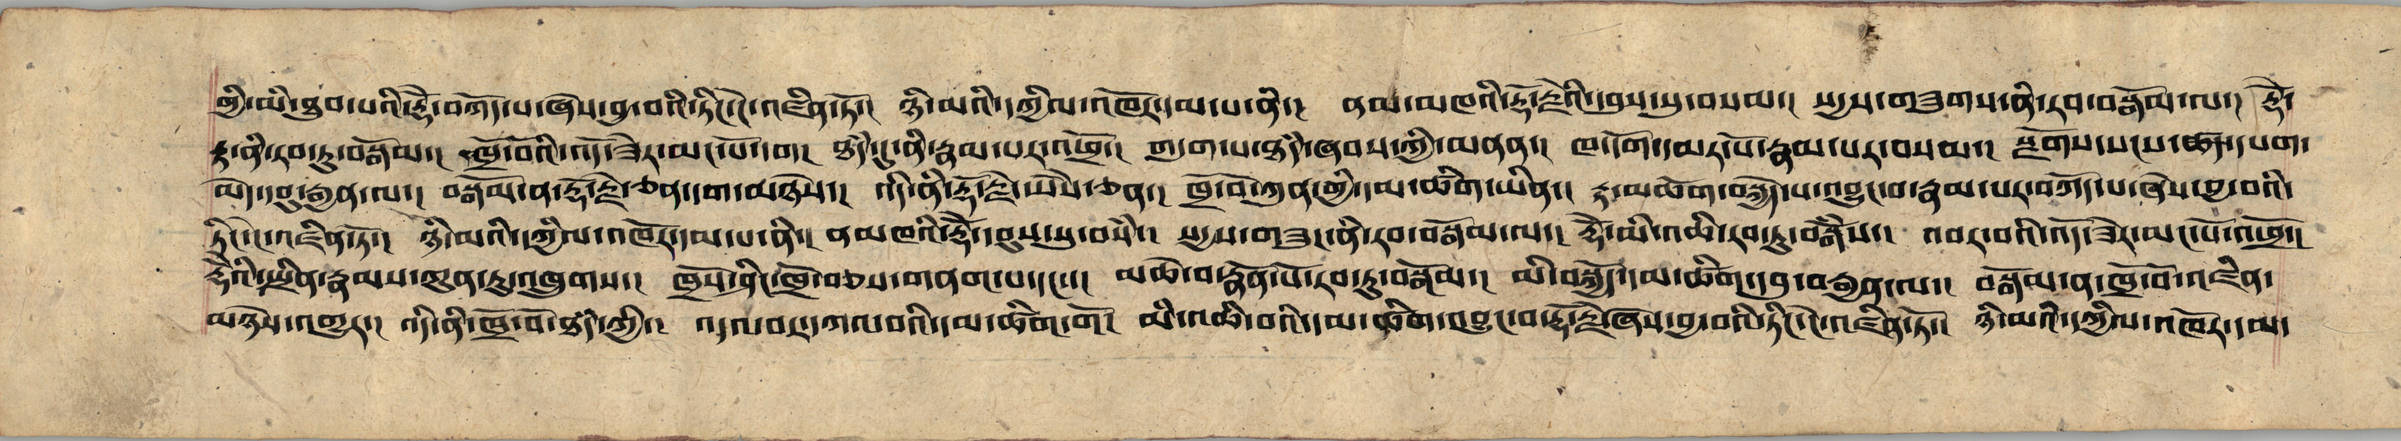གྱི་མི་ཐུབ་པའི་རྡོེ་བཀོད་པ་ཞེས་བྱ་བའི་ཏིང་ངེ་འཛིན་ཏོ་། ཉི་མའི་དཀྱིལ་འཁོར་དམ་པ་ནི་། ནམ་མཁའི་རྡོ་རྗེའི་དབུས་སུ་བསམ་། སདྱས་གཟུགས་ནི་རབ་བསྒོམ་ལ་། རྡོེ་
རྟ་ནི་རབ་ཏུ་བསྒོམ་། ཁྲོ་བོའི་འོད་ཟེར་མང་པོ་དག། ཐཾད་དུ་ནི་རྣམ་པར་འཕྲོ་། གདུག་པ་ཐཾད་ཞབས་ཀྱི་མནན་། ཁ་དོག་དམར་པོ་རྣམ་པར་བསམ་། སྫོགས་སངས་ཚད་དཔག་
མེད་དབུ་རྒྱན་ལ་། བསྒོམ་ན་རྡོ་རྗེ་ཅན་དག་མཉེས་། འདི་ནི་རྡོ་རྗེ་ཡཻས་ཅན་། ཁྲོ་བོ་ཀུན་གྱི་དམ་ཚིག་ཡིན་། རྟ་མཆོག་བསྐྱེད་པ་འབྱུང་བ་རྣམ་པར་བཀོད་པ་ཞེས་བྱ་བའི་
ཏིང་ངེ་འཛིན་ཏོ་། ཉི་མའི་དཀྱིལ་འཁོར་དམ་པ་ནི་། ནམཁའི་རྡོེ་དབུས་སུ་བསཾ་། སདྱས་གཟུང་ནི་རབ་བསྒོམ་ལ་། རྡོེ་མི་འཆི་རབ་ཏུ་བསྒོཾས་། འབར་བའི་འོད་ཟེར་མང་པོ་འཕྲོ་།
རྡོེའི་སྤྲིན་རྣམས་ཀུན་ཏུ་འཁྲུགས་། ཁྲོས་ཤིང་ཁྲོ་བཅས་གནག་པ་དང་་། མཆེ་བ་རྣོན་པོ་རབ་ཏུ་བསྒོམ་། མི་བསྐྱོད་དམ་ཚིག་དབུ་བརྒྱན་ལ་། བསྒོམ་ན་ཁྲོ་བོ་འཛིན་
མཉེས་འགྱུར་། འདི་ནི་ཁྲོ་བོ་ཐཾད་ཀྱི་། འདའ་བར་དཀའ་བའིདམ་ཚིག་གོ། མི་འཆི་བའི་དམ་ཚིག་འབྱུང་བ་རྡོ་རྗེ་ཞེས་བྱ་བའི་ཏིང་ངེ་འཛིན་ཏོ་། ཉི་མའི་དཀྱིལ་འཁོར་ལ་